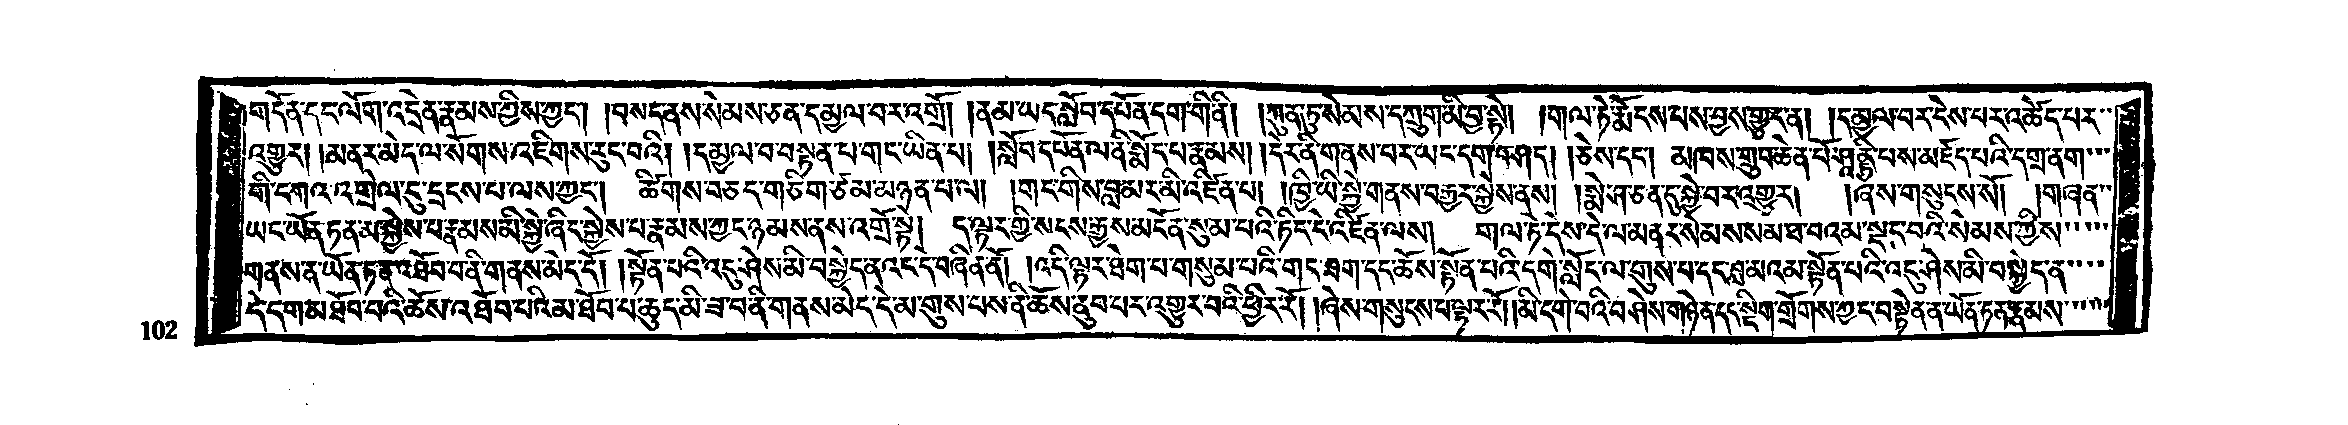གདོན་དང་ལོག་འདྲེན་རྣམས་ཀྱིས་ཀྱང་། །བསད་ནས་སེམས་ཅན་དམྱལ་བར་འགྲོ། །ནམ་ཡང་སློབ་དཔོན་དག་གི་ནི། །ཀུན་ཏུ་སེམས་དཀྲུག་མི་བྱ་སྟེ། །གལ་ཏེ་རྨོངས་པས་བྱས་གྱུར་ན། །དམྱལ་བར་ངེས་པར་འཚེད་པར་
འགྱུར། །མནར་མེད་ལ་སོགས་འཇིགས་རུང་བའི། །དམྱལ་བ་བསྟན་པ་གང་ཡིན་པ། །སློབ་དཔོན་ལ་ནི་སྨོད་པ་རྣམས། །དེར་ནི་གནས་པར་ཡང་དག་བཤད། །ཅེས་དང་། མཁས་གྲུབ་ཆེན་པོ་ཤཱནྟི་པས་མཛད་པའི་དགྲ་ནག་
གི་དཀའ་འགྲེལ་དུ་དྲངས་པ་ལས་ཀྱང་། ཚིགས་བཅད་གཅིག་ཙམ་མཉན་པ་ལ། །གང་གིས་བླ་མར་མི་འཛིན་པ། །ཁྱི་ཡི་སྐྱེ་གནས་བརྒྱར་སྐྱེས་ནས། །སྨེ་ཤ་ཅན་དུ་སྐྱེ་བར་འགྱུར། །ཞེས་གསུངས་སོ། །གཞན་
ཡང་ཡོན་ཏན་མ་སྐྱེས་པ་རྣམས་མི་སྐྱེ་ཞིང་སྐྱེས་པ་རྣམས་ཀྱང་ཉམས་ནས་འགྲོ་སྟེ། ད་ལྟར་གྱི་སངས་རྒྱས་མངོན་སུམ་པའི་ཏིང་ངེ་འཛིན་ལས། གལ་ཏེ་དེས་དེ་ལ་མནར་སེམས་སམ་ཐ་བའམ་སྡང་བའི་སེམས་ཀྱིས་
གནས་ན་ཡོན་ཏན་འཐོབ་པ་ནི་གནས་མེད་དོ། །སྟོན་བའི་འདུ་ཤེས་མི་བསྐྱེད་ནའང་དེ་བཞིན་ནོ། །འདི་ལྟར་ཐེག་པ་གསུམ་པའི་གང་ཟག་དང་ཆོས་སྟོན་པའི་དགེ་སློང་ལ་གུས་པ་དང་བླ་མའམ་སྟོན་པའི་འདུ་ཤེས་མི་བསྐྱེད་ན་
དེ་དག་མ་ཐོབ་པའི་ཆོས་འཐོབ་པའམ་ཐོབ་པ་ཆུད་མི་ཟ་བ་ནི་གནས་མེད་དེ་མ་གུས་པས་ནི་ཆོས་ནུབ་པར་འགྱུར་བའི་ཕྱིར་རོ། །ཞེས་གསུངས་པ་ལྟར་རོ། །མི་དགེ་བའི་བཤེས་གཉེན་དང་སྡིག་གྲོགས་ཀྱང་བསྟེན་ན་ཡོན་ཏན་རྣམས་